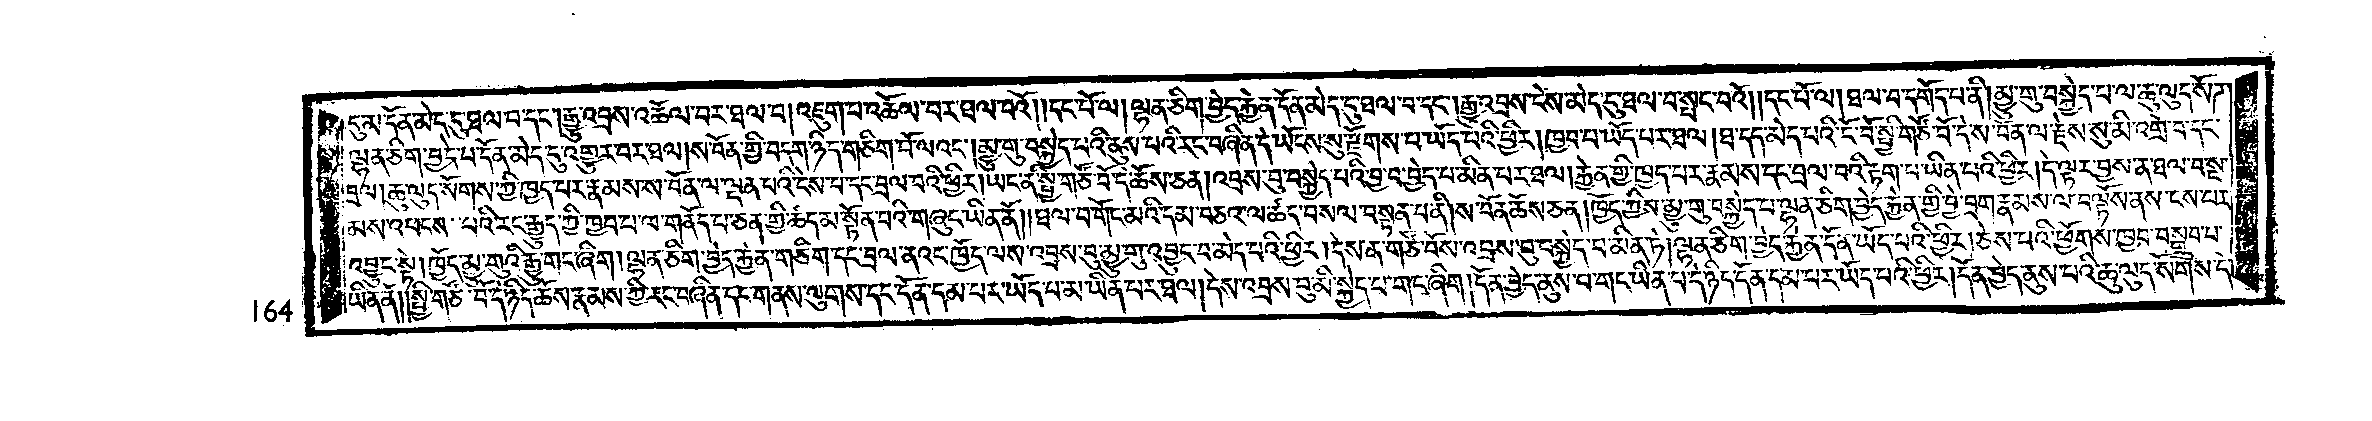དུ་མ་དོན་མེད་དུ་ཐལ་བ་དང་། རྒྱུ་འབྲས་འཆོལ་བར་ཐལ་བ། འཇུག་པ་འཆོལ་བར་ཐལ་བའོ། །དང་པོ་ལ། ལྷན་ཅིག་བྱེད་རྐྱེན་དོན་མེད་དུ་ཐལ་བ་དང་། རྒྱུ་འབྲས་ངེས་མེད་དུ་ཐལ་བ་སྤང་བའོ། །དང་པོ་ལ། ཐལ་བ་དགོད་པ་ནི། མྱུ་གུ་བསྐྱེད་པ་ལ་ཆུ་ལུད་སོགས་
ལྷན་ཅིག་བྱེད་པ་དོན་མེད་དུ་འགྱུར་བར་ཐལ། ས་བོན་གྱི་བདག་ཉིད་གཅིག་པོ་ལའང་། མྱུ་གུ་བསྐྱེད་པའི་ནུས་པའི་རང་བཞིན་དེ་ཡོངས་སུ་རྫོགས་པ་ཡོད་པའི་ཕྱིར། ཁྱབ་པ་ཡོད་པར་ཐལ། ཐ་དད་མེད་པའི་ངོ་བོ་སྤྱི་གཙོ་བོ་དེ་ས་བོན་ལ་རྗེས་སུ་མི་འགྲོ་བ་དང་
བྲལ། ཆུ་ལུད་སོགས་ཀྱི་ཁྱད་པར་རྣམས་ས་བོན་ལ་ལྡན་པའི་ངེས་པ་དང་བྲལ་བའི་ཕྱིར། ཡང་ན་སྤྱི་གཙོ་བོ་དེ་ཆོས་ཅན། འབྲས་བུ་བསྐྱེད་པའི་བྱ་བ་བྱེད་པ་མིན་པར་ཐལ། རྐྱེན་གྱི་ཁྱད་པར་རྣམས་དང་བྲལ་བའི་རྟག་པ་ཡིན་པའི་ཕྱིར། དེ་ལྟར་བྱས་ན་ཐལ་བ་སྔ་
མས་འཕངས་པའི་རང་རྒྱུད་ཀྱི་ཁྱབ་པ་ལ་གནོད་པ་ཅན་གྱི་ཚད་མ་སྟོན་པའི་གཞུང་ཡིན་ནོ། །ཐལ་བ་གོང་མའི་དམ་བཅའ་ལ་ཚད་བསལ་བསྟན་པ་ནི། ས་བོན་ཆོས་ཅན། ཁྱོད་ཀྱིས་མྱུ་གུ་བསྐྱེད་པ་ལྷན་ཅིག་བྱེད་རྐྱེན་གྱི་བྱེ་བྲག་རྣམས་ལ་བལྟོས་ནས་ངེས་པར་
འབྱུང་སྟེ། ཁྱོད་མྱུ་གུའི་རྒྱུ་གང་ཞིག །ལྷན་ཅིག་བྱེད་རྐྱེན་གཅིག་དང་བྲལ་ནའང་ཁྱོད་ལས་འབྲས་བུ་མྱུ་གུ་འབྱུང་བ་མེད་པའི་ཕྱིར། དེས་ན་གཙོ་བོས་འབྲས་བུ་བསྐྱེད་པ་མིན་ཏེ། ལྷན་ཅིག་བྱེད་རྐྱེན་དོན་ཡོད་པའི་ཕྱིར། ཅེས་པའི་ཕྱོགས་ཁྱབ་བསྒྲུབ་པ་
ཡིན་ནོ། །སྤྱི་གཙོ་བོ་དེ་ཉིད་ཆོས་རྣམས་ཀྱི་རང་བཞིན་དང་གནས་ལུགས་དང་དོན་དམ་པར་ཡོད་པ་མ་ཡིན་པར་ཐལ། དེས་འབྲས་བུ་མི་སྐྱེད་པ་གང་ཞིག །དོན་བྱེད་ནུས་པ་གང་ཡིན་པ་དེ་ཉིད་དོན་དམ་པར་ཡོད་པའི་ཕྱིར། དོན་བྱེད་ནུས་པའི་ཆུ་ལུད་སོགས་དེ་